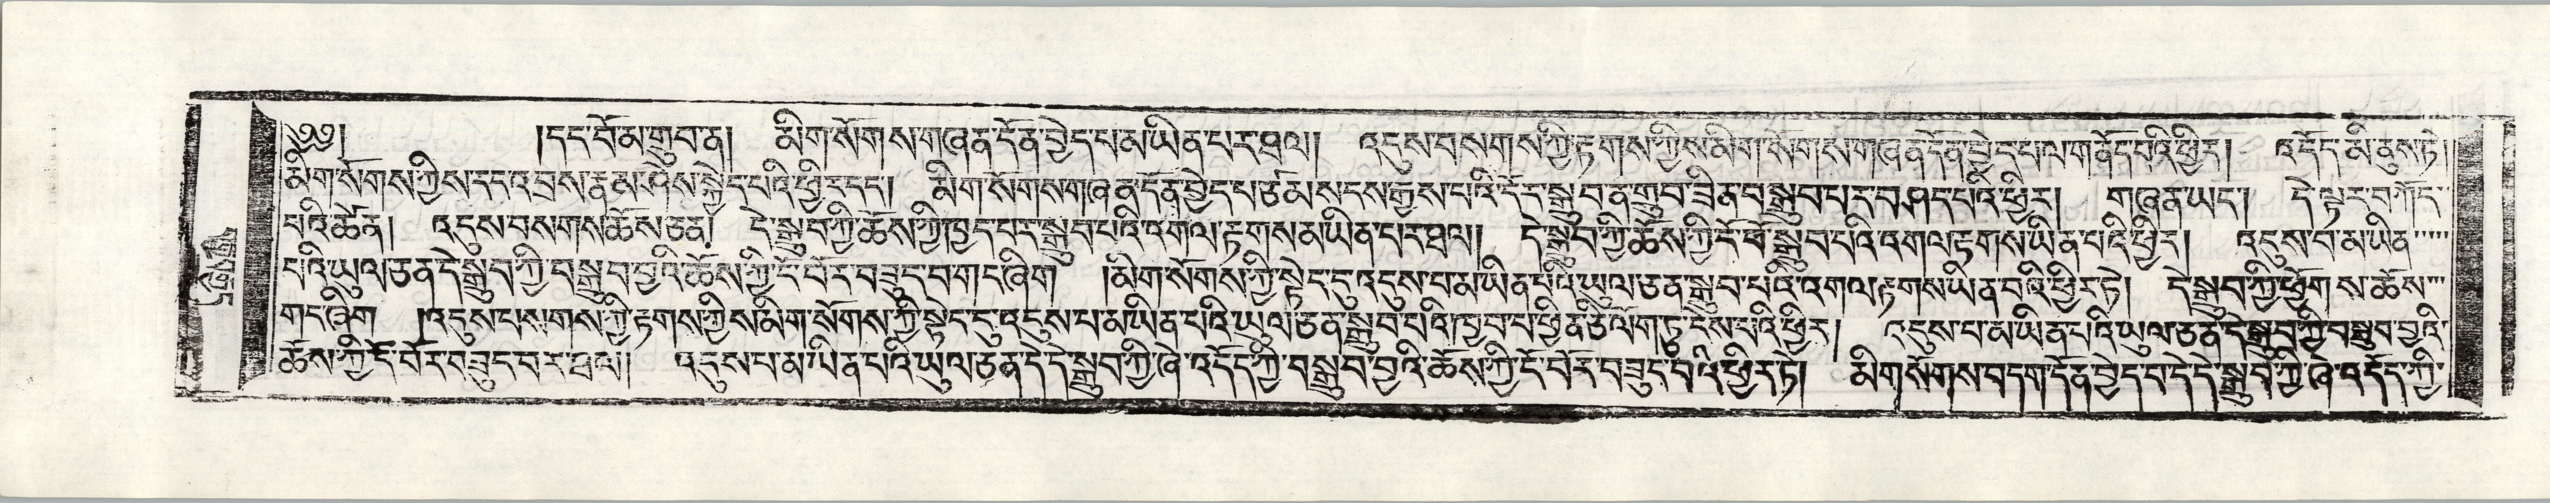༄༅། །དང་པོ་མ་གྲུབ་ན། མིག་སོགས་གཞན་དོན་བྱེད་པ་མ་ཡིན་པར་ཐལ། འདུས་བསགས་ཀྱི་རྟགས་ཀྱིས་མིག་སོགས་གཞན་དོན་བྱེད་པ་ལ་གནོད་པའི་ཕྱིར། འདོད་མི་ནུས་ཏེ།
མིག་སོགས་ཀྱིས་རང་འབྲས་རྣམ་ཤེས་སྐྱེད་པའི་ཕྱིར་དང་། མིག་སོགས་གཞན་དོན་བྱེད་པ་ཙམ་སངས་རྒྱས་པའི་ངོར་སྒྲུབ་ན་གྲུབ་ཟིན་སྒྲུབ་པར་བཤད་པའི་ཕྱིར། གཞན་ཡང་། དེ་ལྟར་བཀོད་
པའི་ཚེ་ན། འདུས་བསགས་ཆོས་ཅན། དེ་སྒྲུབ་ཀྱི་ཆོས་ཀྱི་ཁྱད་པར་སྒྲུབ་པའི་འགལ་རྟགས་མ་ཡིན་པར་ཐལ། དེ་སྒྲུབ་ཀྱི་ཆོས་ཀྱི་ངོ་བོ་སྒྲུབ་པའི་འགལ་རྟགས་ཡིན་པའི་ཕྱིར། འདུས་པ་མ་ཡིན་
པའི་ཡུལ་ཅན་དེ་སྒྲུབ་ཀྱི་བསྒྲུབ་བྱའི་ཆོས་ཀྱི་ངོ་བོར་བཟུང་བ་གང་ཞིག །མིག་སོགས་ཀྱི་སྟེང་དུ་འདུས་པ་མ་ཡིན་པའི་ཡུལ་ཅན་སྒྲུབ་པའི་འགལ་རྟགས་ཡིན་པའི་ཕྱིར་ཏེ། དེ་སྒྲུབ་ཀྱི་ཕྱོགས་ཆོས་
གང་ཞིག །འདུས་བསགས་ཀྱི་རྟགས་ཀྱིས་མིག་སོགས་ཀྱི་སྟེང་དུ་འདུས་པ་མ་ཡིན་པའི་ཡུལ་ཅན་སྒྲུབ་པའི་ཁྱབ་པ་ཕྱིན་ཅི་ལོག་ཏུ་ངེས་པའི་ཕྱིར། འདུས་པ་མ་ཡིན་པའི་ཡུལ་ཅན་དེ་སྒྲུབ་ཀྱི་བསྒྲུབ་བྱའི་
ཆོས་ཀྱི་ངོ་བོར་བཟུང་བར་ཐལ། འདུས་པ་མ་ཡིན་པའི་ཡུལ་ཅན་དེ་དེ་སྒྲུབ་ཀྱི་ཞེ་འདོད་ཀྱི་བསྒྲུབ་བྱའི་ཆོས་ཀྱི་ངོ་བོར་བཟུང་བའི་ཕྱིར་ཏེ། མིག་སོགས་བདག་དོན་བྱེད་པ་དེ་དེ་སྒྲུབ་ཀྱི་ཞེ་འདོད་ཀྱི་